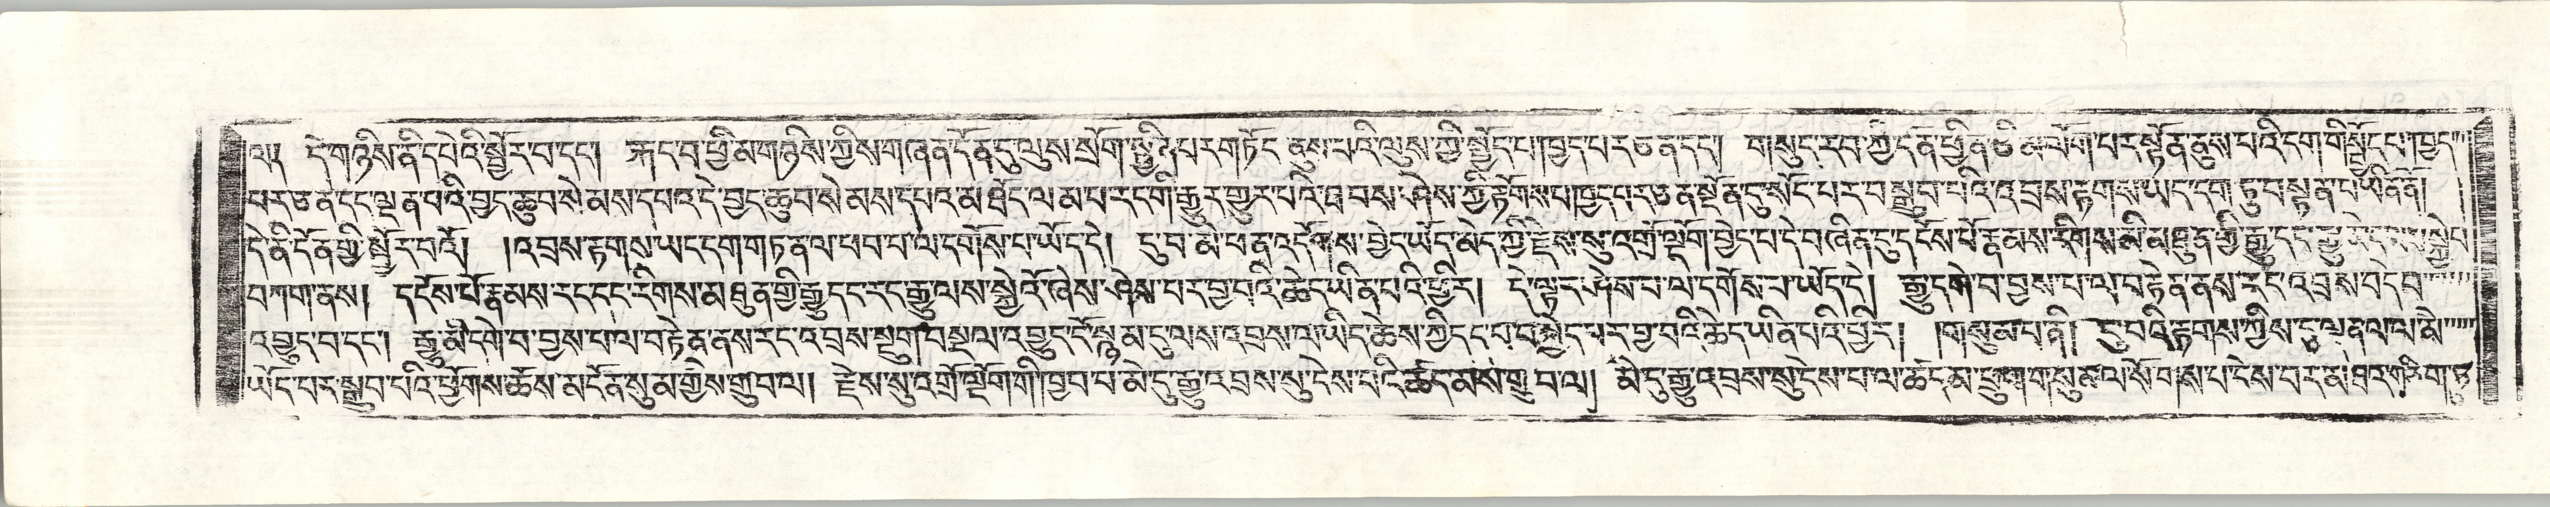ལ། དེ་གཉིས་ནི་དཔེའི་སྦྱོར་བ་དང་། རྐང་བ་ཕྱི་མ་གཉིས་ཀྱིས་གཞན་དོན་དུ་ལུས་སྲོག་སྦྱིན་པར་གཏོང་ནུས་པའི་ལུས་ཀྱི་སྤྱོད་པ་ཁྱད་པར་ཅན་དང་། གསུང་རབ་ཀྱི་དོན་ཕྱིན་ཅི་མ་ལོག་པར་སྟོན་ནུས་པའི་ངག་གི་སྤྱོད་པ་ཁྱད་
པར་ཅན་དང་ལྡན་པའི་བྱང་ཆུབ་སེམས་དཔའ་དེ་བྱང་ཆུབ་སེམས་དཔའ་མཐོང་ལམ་པ་རང་གི་རྒྱུར་གྱུར་པའི་ཐབས་ཤེས་ཀྱི་རྟོགས་པ་ཁྱད་པར་ཅན་སྔོན་དུ་སོང་བར་སྒྲུབ་པའི་འབྲས་རྟགས་ཡང་དག་ཏུ་བསྟན་པ་ཡིན་ནོ། །
དེ་ནི་དོན་གྱི་སྦྱོར་བའོ། །འབྲས་རྟགས་ཡང་དག་གཏན་ལ་ཕབ་པ་ལ་དགོས་པ་ཡོད་དེ། དུ་བ་མེ་ཕན་འདོགས་བྱེད་ཡོད་མེད་ཀྱི་རྗེས་སུ་འགྲོ་ལྡོག་བྱེད་པ་དེ་བཞིན་དུ་དངོས་པོ་རྣམས་རིགས་མི་མཐུན་གྱི་རྒྱུ་དང་རྒྱུ་མེད་ལས་སྐྱེ་བ་
བཀག་ནས། དངོས་པོ་རྣམས་རང་དང་རིགས་མཐུན་གྱི་རྒྱུ་དང་རང་རྒྱུ་ལས་སྐྱེའོ་ཞེས་ཤེས་པར་བྱ་བའི་ཆེད་ཡིན་པའི་ཕྱིར། དེ་ལྟར་ཤེས་པ་ལ་དགོས་པ་ཡོད་དེ། རྒྱུ་དགེ་བ་བྱས་པ་ལ་བརྟེན་ནས་རང་འབྲས་བདེ་བ་
འབྱུང་བ་དང་། རྒྱུ་མི་དགེ་བ་བྱས་པ་ལ་བརྟེན་ནས་རང་འབྲས་སྡུག་བསྔལ་འབྱུང་ངོ་སྙམ་དུ་ལས་འབྲས་ལ་ཡིད་ཆེས་ཀྱི་དད་པ་བསྐྱེད་པར་བྱ་བའི་ཆེད་ཡིན་པའི་ཕྱིར། །གསུམ་པ་ནི། དུ་བའི་རྟགས་ཀྱིས་དུ་ལྡན་ལ་ལ་མེ་
ཡོད་པར་སྒྲུབ་པའི་ཕྱོགས་ཆོས་མངོན་སུམ་གྱིས་གྲུབ་ལ། རྗེས་སུ་འགྲོ་ལྡོག་གི་ཁྱབ་པ་མེ་དུ་རྒྱུ་འབྲས་སུ་ངེས་པའི་ཚད་མས་གྲུབ་ལ། མེ་དུ་རྒྱུ་འབྲས་སུ་ངེས་པ་ལ་ཚད་མ་ཕྲུག་གསུམ་ལ་སོགས་པ་ངེས་བར་མཐའ་གཅིག་ཏུ་